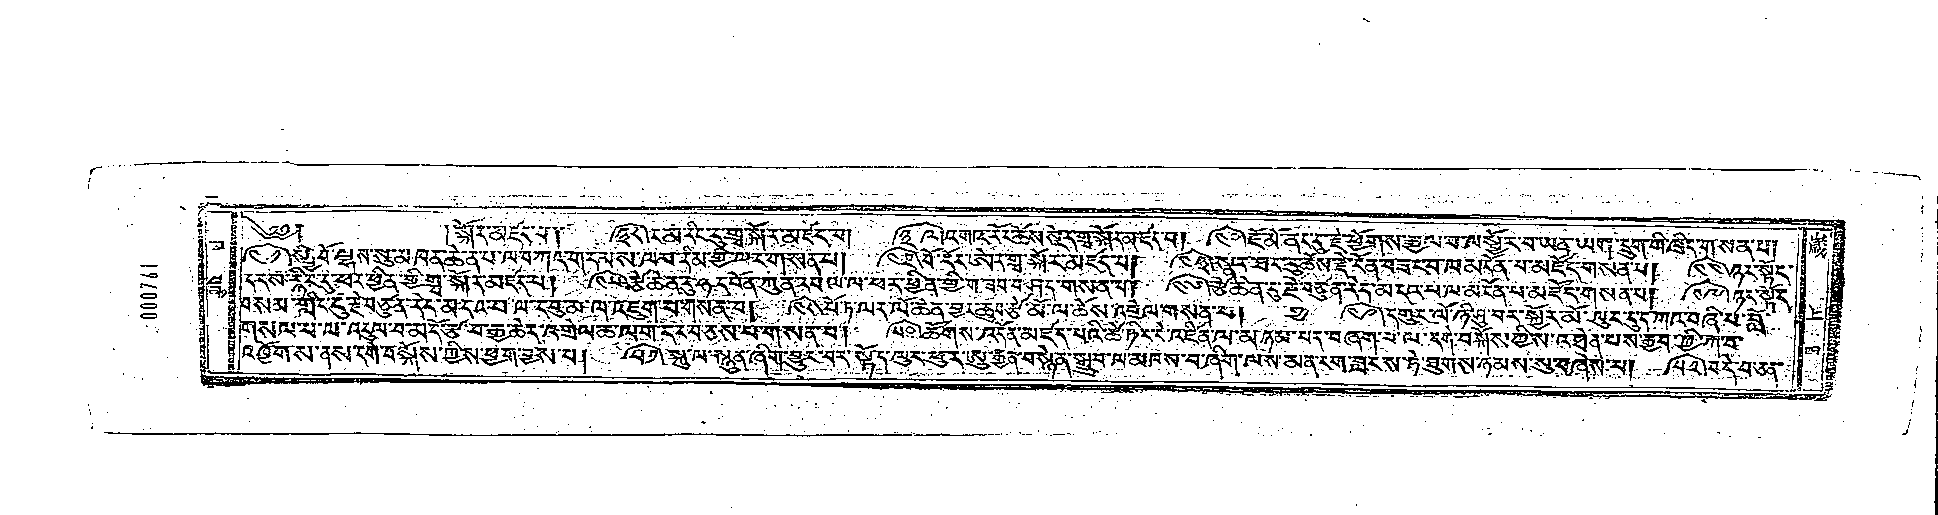༄༅། །སྐོར་མཛད་པ། ༼༣༨?་ངམ་རིང་དུ་འགྲྭ་སྐོར་མཛད་པ། ༽༣༩?་འགའ་རོང་ཆོས་སྔེར་གྲྭ་སྐོར་མཛད་པ། ༤༠?་ཇོ་མོ་ནང་དུ་རྫ་ཕྱོགས་རྒྱལ་བ་ལ་སྦྱོར་བ་ཡན་ཡག་དྲུག་གི་ཁྲིད་གསན་པ།
༼༤༡?་སྤྱི་བོ་ལྷས་སུ་མ་མཁན་ཆེན་པ་ལ་བཀའ་གདམས་ལམ་རིམ་གྱི་ལང་གསན་པ། ༽༤༢?་བོ་དོང་ཨེར་གྲྭ་སྐོར་མཛད་པ། ༼༤༣?་སྣར་ཐང་དུ་ཆོས་རྗེ་ངོན་བཟང་བ་ལ་མངོན་པ་མཛོད་གསན་པ། ༽༤༤?་ཉང་སྟོང་
དངས་རྙིང་དུ་ཕར་ཕྱིན་གྱི་གྲྭ་སྐོར་མཛད་པ། ༼༤༥?་རྩེ་ཆེན་དུ་ཉ་དབོན་ཀུན་དཔལ་ལ་ཕར་ཕྱིན་གྱི་གཟབ་བཤད་གསན་པ། ༽༤༦?་རྩེ་ཆེན་དུ་རྗེ་བཙུན་རེང་མདའ་པ་ལ་མངོན་པ་མཛོད་གསན་པ། ༤༧?་ཉར་སྟོང་
བསམ་གླིང་དུ་རྗེ་བཙུན་རེད་མདའ་པ་ལ་དབུ་མ་ལ་འཇུག་པ་གསན་པ། ༼༤༨?་པོ་ཏ་ལར་ལོ་ཆེན་བྱང་ཆུབ་རྩེ་མོ་ལ་ཆོས་འབྲེལ་གསན་པ། ༧་༽༤༩?་དགུང་ལོ་ཉི་ཤུ་བར་སྐྱོར་མོ་ལུང་དུ་དཀའ་བཞི་པ་བློ་
གསལ་པ་ལ་འདུལ་བ་མདོ་རྩ་བ་རྒྱ་ཆེར་འགྲེལ་ཆ་ལག་དང་བཅས་པ་གསན་པ། ༥༠?་ཚོགས་འདོན་མཛད་པའི་ཚེ་ཏིང་ངེ་འཛིན་ལ་མཉམ་པར་བཞག་པ་ལ་དགེ་བསྐོས་ཀྱིས་འཐེན་པས་རྒྱབ་ཀྱི་ཀ་བ་
འཁྱོགས་ནས་དགེ་བསྐོས་ཀྱིས་ཕྱག་བྱས་པ། ༼༥༡?་སྐུ་ལ་སྙུན་ཞིག་བྱུང་བར་སྟོད་ལུང་ཕུར་ཨུ་རྒྱན་བསྙེན་སྒྲུབ་ལ་མཁས་བ་ཞིག་ལས་མན་ངག་བླངས་ཏེ་ཐུགས་ཉམས་སུ་བཞེས་པ། ༽༥༢?་བདེ་བ་ཅན་